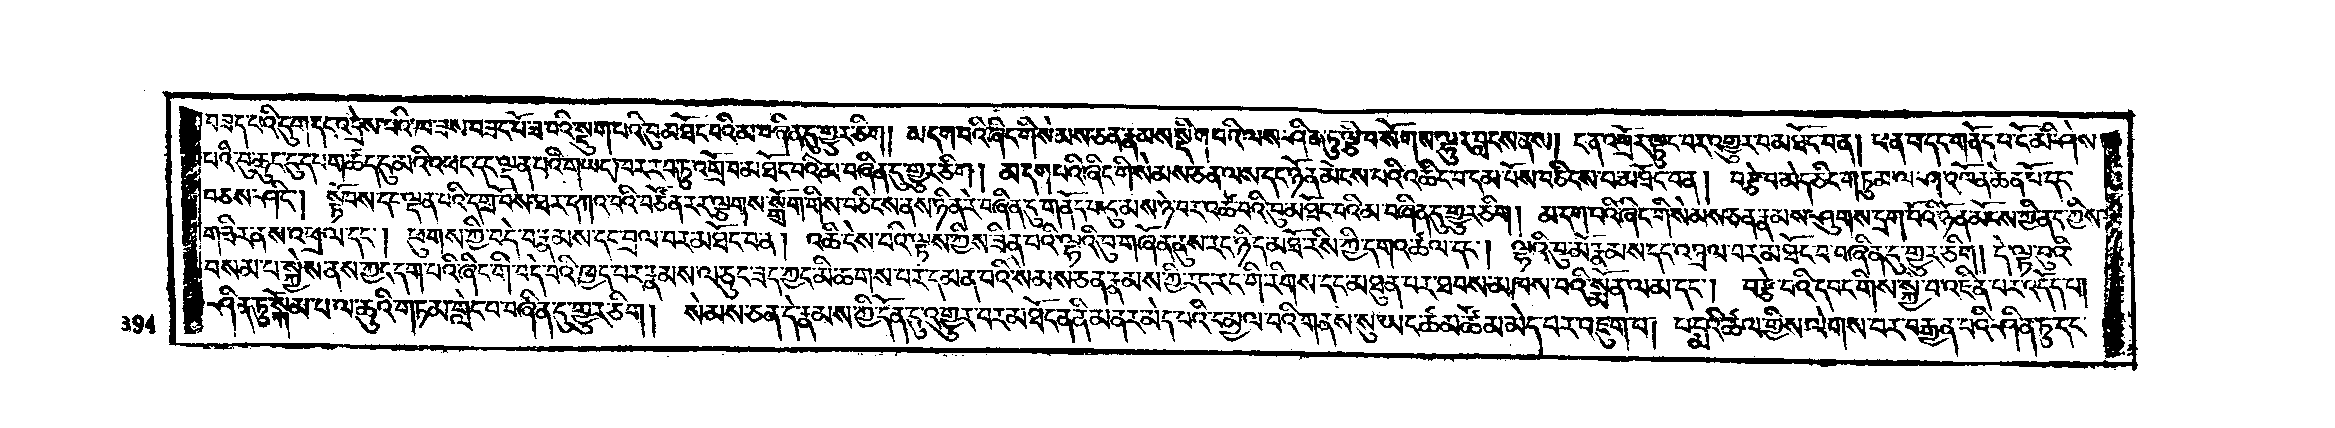བཟད་པའི་དུག་དང་འདྲེས་པའི་ཁ་ཟས་བཟང་པོ་ཟ་བའི་སྡུག་པའི་བུ་མཐོང་བའི་མ་བཞིན་དུ་གྱུར་ཅིག། མ་དག་པའི་ཞིང་གི་སེམས་ཅན་རྣམས་སྡིག་པའི་ལས་ཤིན་ཏུ་ལྕེ་བ་སོགས་ལྷུར་བླངས་ནས། ངན་འགྲོར་ལྟུང་བར་འགྱུར་བ་མཐོང་བ་ན། ཕན་པ་དང་གནོད་པ་ངོ་མི་ཤེས་
པའི་བུ་ཆུང་དུ་དཔག་ཚད་དུ་མའི་འཕང་དང་ལྡན་པའི་གཡང་ཁར་རབ་ཏུ་འགྲོ་བ་མཐོང་བའི་མ་བཞིན་དུ་གྱུར་ཅིག། མ་དག་པའི་ཞིང་གི་སེམས་ཅན་ལས་དང་ཉོན་མོངས་པའི་འཆིང་བ་དམ་པོས་བཅིངས་པ་མཐོང་བ་ན། བརྩེ་བ་མེད་ཅིང་གཏུམ་ལ་ཤ་འཁོན་ཆེན་པོ་དང་
བཅས་ཤིང་། སྟོབས་དང་ལྡན་པའི་དགྲ་བོས་ཐར་དཀའ་བའི་བཙོན་རར་ལྕགས་སྒྲོག་གིས་བཅིངས་ནས་ཉིན་རེ་བཞིན་དུ་གནོད་པ་དུ་མས་ཉེ་བར་འཚེ་བའི་བུ་མཐོང་བའི་མ་བཞིན་དུ་གྱུར་ཅིག། མ་དག་པའི་ཞིང་གི་སེམས་ཅན་རྣམས་ཤུགས་དྲག་པོའི་ཉོན་མོངས་ཀྱི་ནད་ཀྱིས་
གཟིར་ནས་འཕྲལ་དང་། ཕུགས་ཀྱི་བདེ་བ་རྣམས་དང་བྲལ་བར་མཐོང་བ་ན། འཆི་ངེས་པའི་ལྟས་ཀྱིས་ཟིན་པའི་ལྷའི་བུ་གཞོན་ནུས་རང་ཉིད་མཐོ་རིས་ཀྱི་དགའ་ཚལ་དང་། བརྩེ་བའི་དབང་གིས་སྐྱེ་བ་འཛིན་པར་འདོད་པ།
བསམ་པ་སྐྱེས་ནས་ཀྱང་དག་པའི་ཞིང་གི་བདེ་བའི་ཁྱད་པར་རྣམས་ལ་ཆུང་ཟད་ཀྱང་མི་ཆགས་པར་དམན་པའི་སེམས་ཅན་རྣམས་ཀྱི་རང་རང་གི་རིགས་དང་མཐུན་པར་ཐབས་མཁས་པའི་སྨོན་ལམ་དང་། བརྩེ་བའི་དབང་གིས་སྐྱེ་བ་འཛིན་པར་འདོད་པ།
ཤིན་ཏུ་སྐོམ་པ་ལ་ཆུའི་གཏམ་གླེང་བ་བཞིན་དུ་གྱུར་ཅིག། སེམས་ཅན་དེ་རྣམས་ཀྱི་དོན་དུ་འགྱུར་བར་མཐོང་ན་ནི་མནར་མེད་པའི་དམྱལ་བའི་གནས་སུ་ཡང་ཚམ་ཚོམ་མེད་པར་འཇུག་པ། པདམའི་ཚལ་གྱིས་ལེགས་པར་བརྒྱན་པའི་ཤིན་ཏུ་དང་